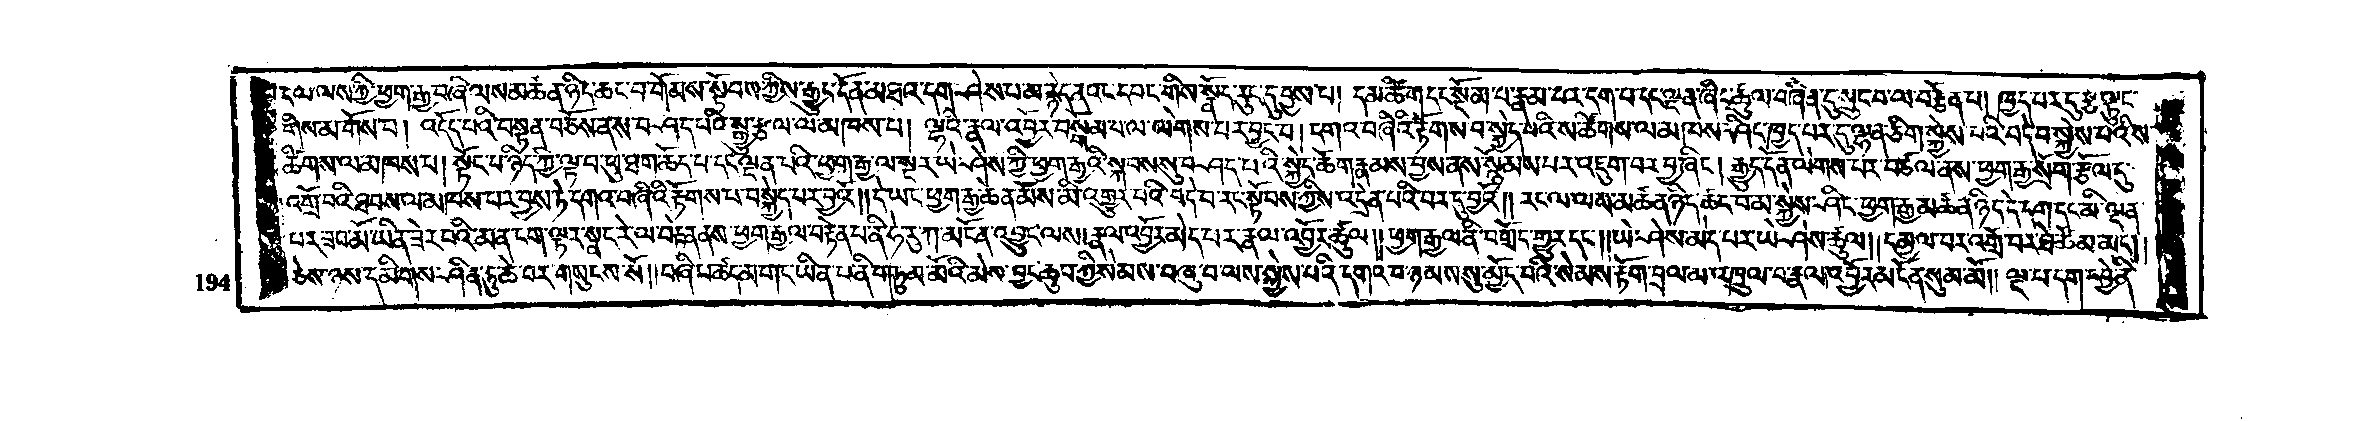པ་ལ་ལས་ཀྱི་ཕྱག་རྒྱ་བཞི་ལས་མཚན་ཉིད་ཚང་བ་གོམས་སྟོབས་ཀྱིས་རྒྱུད་དོན་མཐའ་དག་ཤེས་པ་མ་རྙེད་ནའང་དབང་གིས་སྣོད་རུང་དུ་བྱས་པ། དམ་ཚིག་དང་སྡོམ་པ་རྣམ་པར་དག་པ་དང་ལྡན་ཞིང་ཚུལ་བཞིན་དུ་སྲུང་བ་ལ་བརྩོན་པ། ཁྱད་པར་དུ་རྩ་ལྟུང་
གིས་མ་གོས་པ། འདོད་པའི་བསྟན་བཅོས་ནས་བཤད་པའི་སྒྱུ་རྩལ་ལ་མཁས་པ། ལྷའི་རྣལ་འབྱོར་བསྒོམ་པ་ལ་ལེགས་པར་བྱང་བ། དགའ་བཞིའི་རྟོགས་པ་སྐྱེད་པའི་ས་ཚིགས་ལ་མཁས་ཤིང་ཁྱད་པར་དུ་ལྷན་ཅིག་སྐྱེས་པའི་བདེ་བ་སྐྱེས་པའི་ས་
ཚིགས་ལ་མཁས་པ། སྟོང་པ་ཉིད་ཀྱི་ལྟ་བ་ཕུ་ཐག་ཆོད་པ་དང་ལྡན་པའི་ཕྱག་རྒྱ་ལ་སྔར་ཡེ་ཤེས་ཀྱི་ཕྱག་རྒྱའི་སྐབས་སུ་བཤད་པའི་སྐྱེད་ཆོག་རྣམས་བྱས་ནས་སྙོམས་པར་འཇུག་པར་བྱ་ཞིང་། རྒྱུད་དོན་ལེགས་པར་བཙལ་ནས་ཕྱག་རྒྱ་སྲོག་རྩོལ་དུ་
འགྲོ་བའི་ཐབས་ལ་མཁས་པར་བྱས་ཏེ་དགའ་བཞིའི་རྟོགས་པ་བསྐྱེད་པར་བྱའོ། །དེ་ཡང་ཕྱག་རྒྱ་ཆེན་མོས་མི་འགྱུར་བའི་བདེ་བ་རང་སྟོབས་ཀྱིས་འདྲེན་པའི་བར་དུ་བྱའོ། །རང་ལ་ལམ་མཚན་ཉིད་ཚང་བ་མ་སྐྱེས་ཤིང་ཕྱག་རྒྱ་མཚན་ཉིད་དེ་དག་དང་མི་ལྡན་
པར་ཟབ་མོ་ཡིན་ཟེར་བའི་མན་ངག་ལྟར་སྣང་རེ་ལ་བརྟེན་ནས་ཕྱག་རྒྱལ་བརྟེན་པ་ནི་ཧེ་རུ་ཀ་མངོན་འབྱུང་ལས། རྣལ་འབྱོར་མེད་པར་རྣལ་འབྱོར་ཚུལ། །ཕྱག་རྒྱལ་ནི་བགྲོད་གྱུར་དང་། །ཡེ་ཤེས་མེད་པར་ཡེ་ཤེས་ཚུལ། །དམྱལ་བར་འགྲོ་བར་ཐེ་ཚོམ་མེད། །
ཅེས་ཉེས་དམིགས་ཤིན་ཏུ་ཆེ་བར་གསུངས་སོ། །བཞི་པ་ཚད་མ་གང་ཡིན་པ་ནི་གཏུམ་མོའི་མེས་བྱང་ཆུབ་ཀྱི་སེམས་བཞུ་བ་ལས་སྐྱེས་པའི་དགའ་བ་ཉམས་སུ་མྱོང་བའི་སེམས་རྟོག་བྲལ་མ་འཁྲུལ་བ་རྣལ་འབྱོར་མངོན་སུམ་མོ། །ལྔ་པ་དག་དབྱེ་ནི་